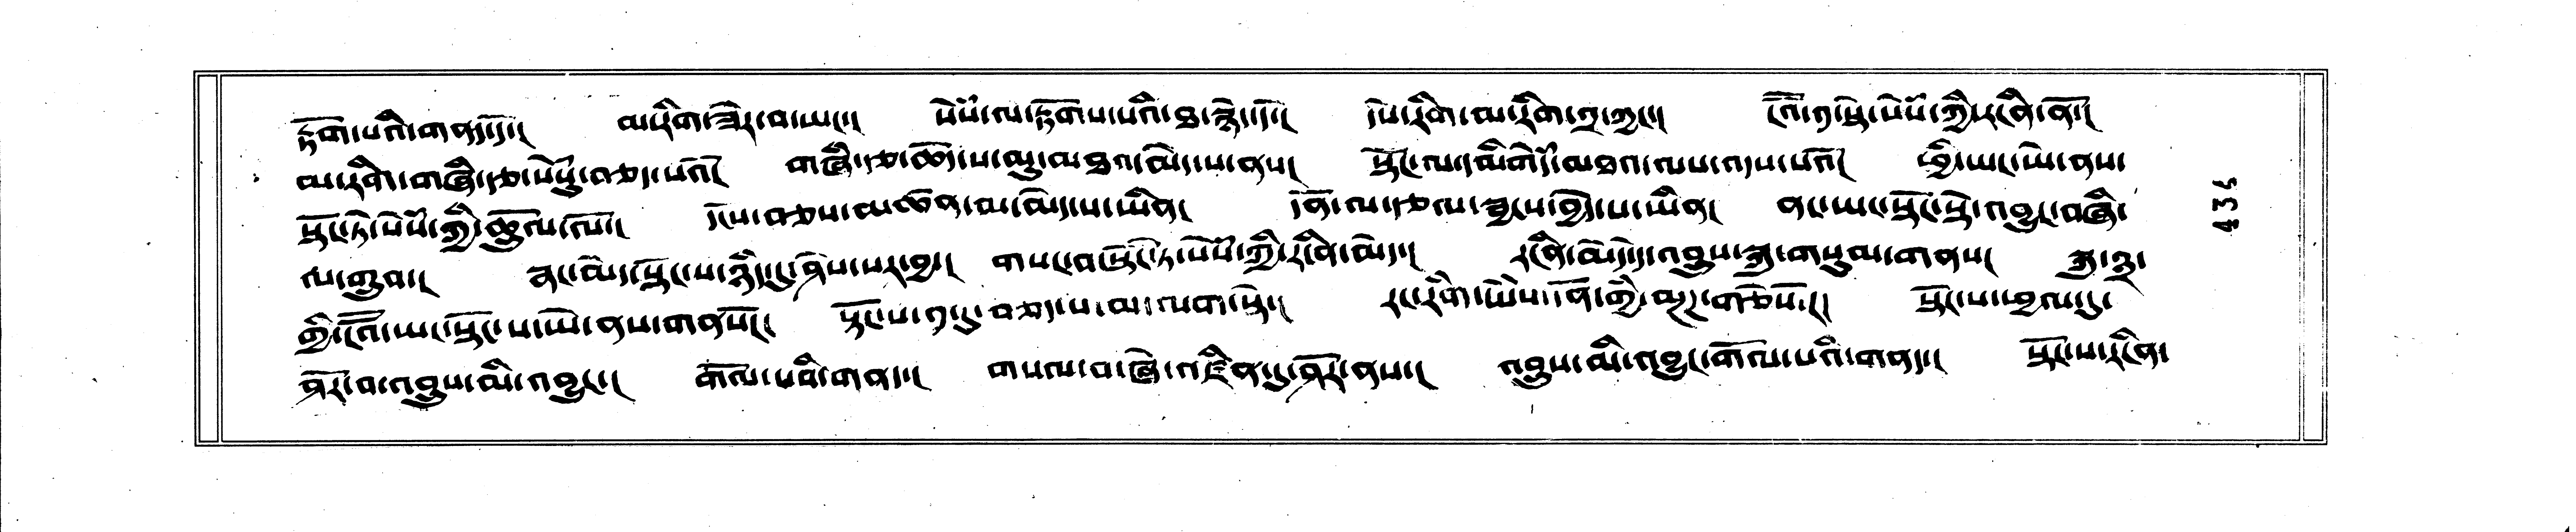རྟོགས་པའི་གནད་དོ། མ་རིག་པ་ཡང་སེམས་མ་རྟོགས་པའི་ཐ་སྙད་དོ། དེ་ན་རིག་མ་རིག་གཉིས་ཀྱང་ངོའོ་ཅིག་སྟེ་སེམས་ཀྱི་རང་བཞིན་ནོ། 
མ་རིག་པའི་གཞི་རྩ་སེམས་སུ་བཅད་པའོ། གཞི་རྩ་ཆོད་པའི་མུ་མཐའ་མེད་པས་ན། སྟོང་ལ་དམིག་མེད་མཐའ་ལས་འདས་པའོ། ཕྱི་ཡང་ཡེ་ནས་
སྟོང་སྟེ་སེམས་ཀྱིས་ཆོ་འཕྲུལ་ཡིན། དངོས་བཅས་མཚན་མ་མེད་པའི་དོན་ལ་རྩལ་སྦྱངས་བྱེད་པའོ། ནང་ཡང་སྟོང་སྟེ་འབྱུང་བ་བཞི་
ལས་གྲུབ། སྣང་མེད་སྟོང་པ་ཉིད་དུ་ཤེས་པར་བྱ། གསང་བ་སྟོང་སྟེ་སེམས་ལ་རང་བཞིན་མེད། རང་བཞིན་མེད་དེ་འབྲས་བུ་སྐུ་གསུམ་གནས། སྐུ་གསུམ་
ངོའོ་ཡང་སྟོང་པ་ཡེ་གནས་སོ། སྟོང་པ་གཅིག་དུ་བཅད་པ་མ་ལགས་སྟེ། རང་རིག་ཡེ་ཤེས་དོན་གྱིས་མེན་ངག་གཅེས། སྟོང་པ་ཕྱལ་དུ་
ཤོར་ན་འབྲས་བུ་མི་འབྱུང་གོལ་པའི་གནད། གསལ་ལ་ཞེ་འཛིན་དུ་ཤོར་ན་འབྲས་བུ་མི་འབྱུང་གོལ་པའི་གནད། སྟོང་ལ་རང་བཞིན་